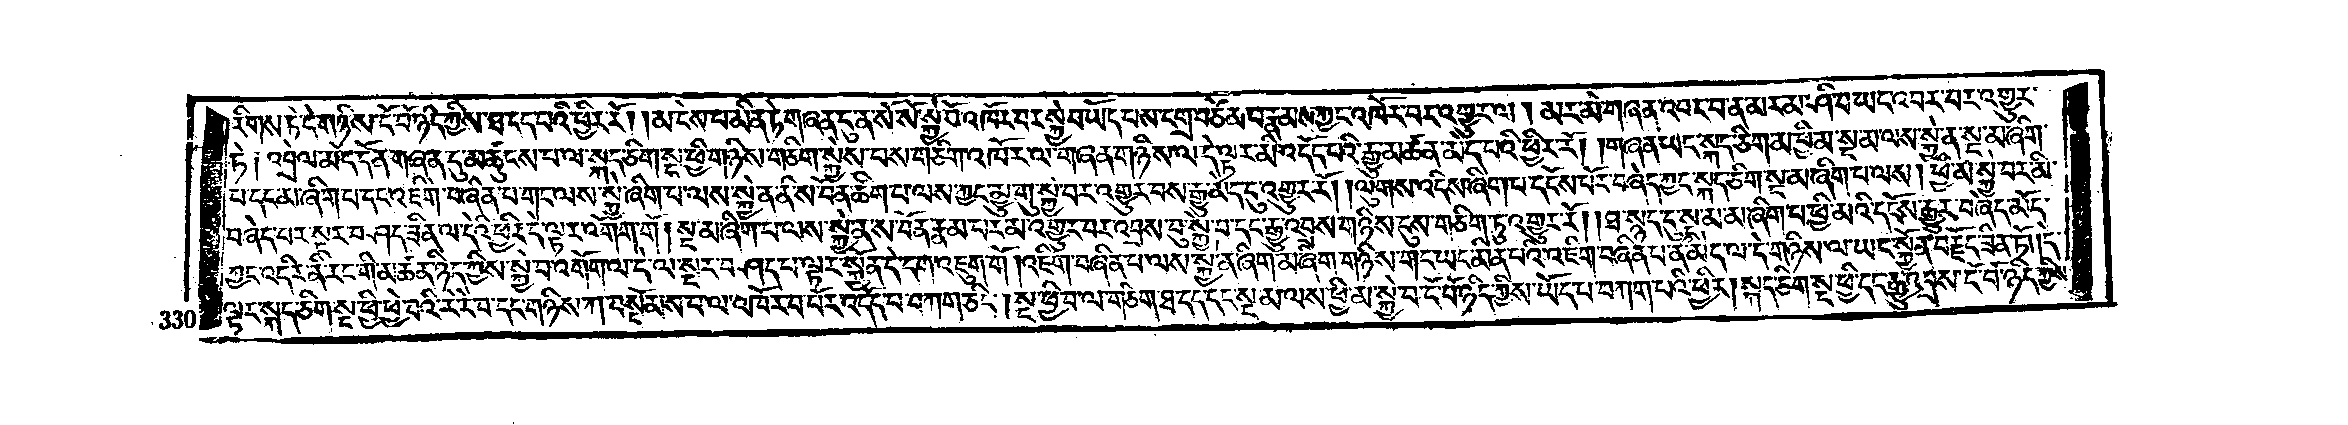རིགས་ཏེ་དེ་གཉིས་ངོ་བོ་ཉིད་ཀྱིས་ཐ་དད་པའི་ཕྱིར་རོ། །མ་ངེས་པ་མིན་ཏེ་གཞན་དུ་ན་སོ་སོ་སྐྱེ་བོ་འཁོར་བར་སྐྱེ་བ་ཡོད་པས་དགྲ་བཅོམ་པ་རྣམས་ཀྱང་འཁོར་བར་འགྱུར་ལ། མར་མེ་གཞན་འབར་བ་ན་མར་མ་ཤི་བ་ཡང་འབར་བར་འགྱུར་
ཏེ། འབྲེལ་མེད་དོན་གཞན་དུ་མཚུངས་པ་ལ་སྐད་ཅིག་སྔ་ཕྱི་གཉིས་གཅིག་སྐྱེས་པས་གཅིག་འཁོར་ལོ་གཞན་གཉིས་ལ་དེ་ལྟར་མི་འདོད་པའི་རྒྱུ་མཚན་མེད་པའི་ཕྱིར་རོ། །གཞན་ཡང་སྐད་ཅིག་མ་ཕྱིན་སྔ་མ་ལས་སྐྱེན་ས་མ་ཞིག་
པ་དང་མ་ཞིག་པ་དང་འཇིག་བཞིན་པ་གང་ལས་སྐྱེ་ཞིག་པ་ལས་སྐྱེ་ན་ནི་ས་བོན་ཚིག་པ་ལས་ཀྱང་མྱུ་གུ་སྐྱེ་བར་འགྱུར་བས་རྒྱུ་མེད་དུ་འགྱུར་རོ། །ལུགས་འདིས་ཞིག་པ་དངོས་པོར་བཞེད་ཀྱང་སྐད་ཅིག་སྔ་མ་ཞིག་པ་ལས། ཕྱི་མ་སྐྱེ་བར་མི་
བཞེད་པར་སྔར་བཤད་ཟིན་ལ་དེའི་ཕྱིར་དེ་ལྟར་འགོག་གོ། །སྔ་མ་ཞིག་པ་ལས་སྐྱེ་ན་ས་བོན་རྣམ་པར་མ་འགྱུར་བར་འབྲས་བུ་སྐྱེ་བ་དང་རྒྱུ་འབྲས་གཉིས་དུས་གཅིག་ཏུ་འགྱུར་རོ། །ཐ་སྙད་དུ་སྔ་མ་མ་ཞིག་པ་ཕྱི་མའི་དངོས་རྒྱུར་བཞེང་མདོ་
ཀྱང་འདིར་ནི་རང་གི་མཚན་ཉིད་ཀྱིས་སྐྱེ་བ་འགོག་ལ་དེ་ལ་སྔར་བཤད་པ་ལྟར་སྐྱོན་དེ་དག་འཇུག་གོ །འཇིག་བཞིན་པ་ལས་སྐྱེ་ན་ཞིག་མ་ཞིག་གཉིས་གང་ཡང་མིན་པའི་འཇིག་བཞིན་པ་ནི་མེད་ལ་དེ་གཉིས་ལ་ཡང་སྐྱོན་བརྗོད་ཟིན་ཏོ། །དེ་
ལྟར་སྐད་ཅིག་སྔ་ཕྱི་ཕྱེ་བའི་རེ་རེ་བ་དང་གཉིས་ཀ་བསྡོམས་པ་ལ་འཁོར་བ་བོར་འདོད་པ་བཀག་ཅིང་། སྔ་ཕྱི་བ་ལ་གཅིག་ཐ་དད་དང་སྔ་མ་ལས་ཕྱི་མ་སྐྱེ་བ་ངོ་བོ་ཉིད་ཀྱིས་ཡོད་པ་བཀག་པའི་ཕྱིར། སྐད་ཅིག་སྔ་ཕྱི་དང་རྒྱུ་འབྲས་ངོ་བོ་ཉིད་ཀྱིས་